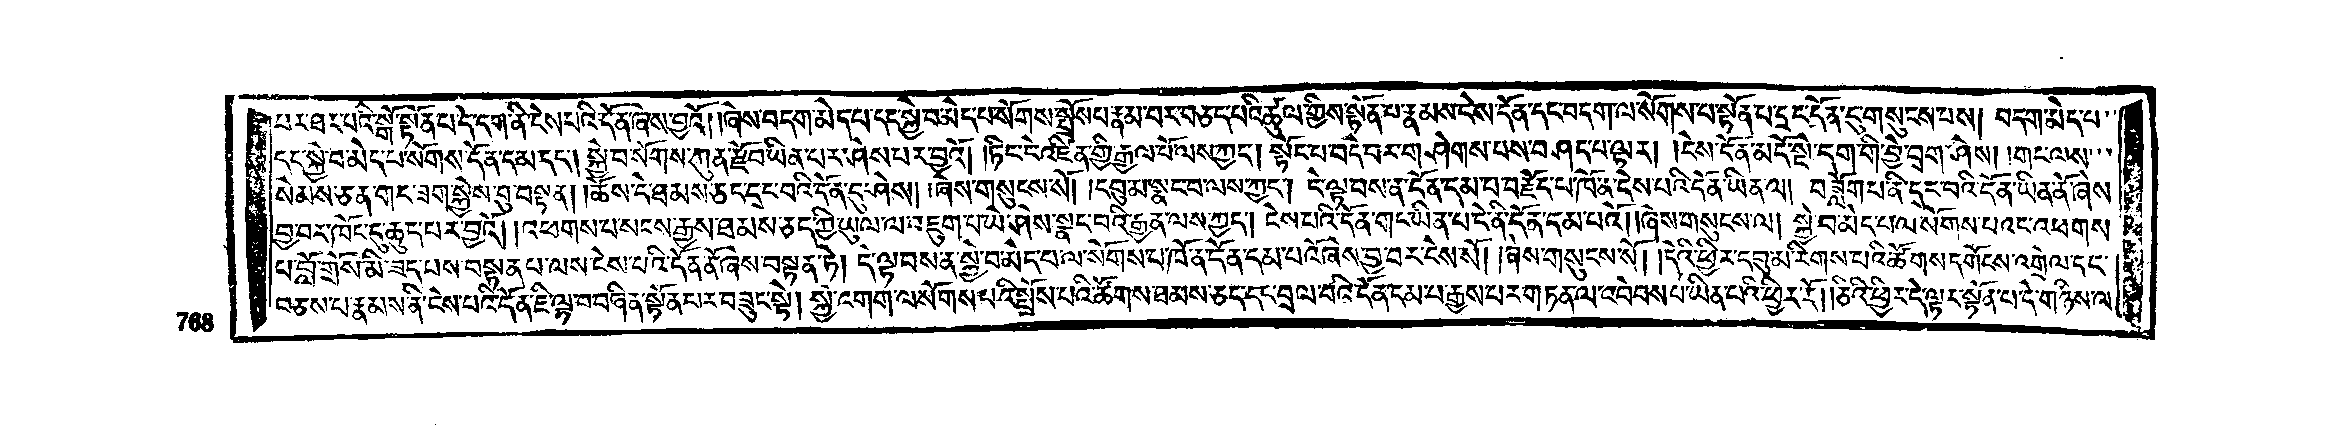པར་ཐར་པའི་སྒོ་སྟོན་པ་དེ་དག་ནི་ངེས་པའི་དོན་ཞེས་བྱའོ། །ཞེས་བདག་མེད་པ་དང་སྐྱེ་བ་མེད་པ་སོགས་སྤྲོས་པ་རྣམ་པར་བཅད་པའི་ཚུལ་གྱིས་སྟོན་པ་རྣམས་ངེས་དོན་དང་བདག་ལ་སོགས་པ་སྟོན་པ་དྲང་དོན་དུ་གསུངས་པས། བདག་མེད་པ་
དང་སྐྱེ་བ་མེད་པ་སོགས་དོན་དམ་དང་། སྐྱེ་བ་སོགས་ཀུན་རྫོབ་ཡིན་པར་ཤེས་པར་བྱའོ། །ཏིང་ངེ་འཛིན་གྱི་རྒྱལ་པོ་ལས་ཀྱང་། སྟོང་པ་བདེ་བར་གཤེགས་པས་བཤད་པ་ལྟར། །ངེས་དོན་མདོ་སྡེ་དག་གི་བྱེ་བྲག་ཤེས། །གང་ལས་
སེམས་ཅན་གང་ཟག་སྐྱེས་བུ་བསྟན། །ཆོས་དེ་ཐམས་ཅད་དྲང་བའི་དོན་དུ་ཤེས། །ཞེས་གསུངས་སོ། །དབུ་མ་སྣང་བ་ལས་ཀྱང་། དེ་ལྟ་བས་ན་དོན་དམ་པ་བརྗོད་པ་ཁོ་ན་ངེས་པའི་དོན་ཡིན་ལ། བཟློག་པ་ནི་དྲང་བའི་དོན་ཡིན་ནོ་ཞེས་
བྱ་བར་ཁེང་དུ་ཆུད་པར་བྱའོ། །འཕགས་པ་སངས་རྒྱས་ཐམས་ཅད་ཀྱི་ཡུལ་ལ་འཇུག་པ་ཡེ་ཤེས་སྣང་བའི་རྒྱན་ལས་ཀྱང་། ངེས་པའི་དོན་གང་ཡིན་པ་དེ་ནི་དོན་དམ་པའོ། །ཞེས་གསུངས་ལ། སྐྱེ་བ་མེད་པ་ལ་སོགས་པའང་འཕགས་
པ་བློ་གྲོས་མི་ཟད་པས་བསྟན་པ་ལས་ངེས་པའི་དོན་ནོ་ཞེས་བསྟན་ཏེ། དེ་ལྟ་བས་ན་སྐྱེ་བ་མེད་པ་ལ་སོགས་པ་ཁོ་ན་དོན་དམ་པའོ་ཞེས་བྱ་བར་ངེས་སོ། །ཞེས་གསུངས་སོ། །དེའི་ཕྱིར་དབུ་མ་རིགས་པའི་ཚོགས་དགོངས་འགྲེལ་དང་
བཅས་པ་རྣམས་ནི་ངེས་པའི་དོན་ཇི་ལྟ་བ་བཞིན་སྟོན་པར་བཟུང་སྟེ། སྐྱེ་འགག་ལ་སོགས་པའི་སྤྲོས་པའི་ཚོགས་ཐམས་ཅད་དང་བྲལ་བའི་དོན་དམ་པ་རྒྱས་པར་གཏན་ལ་འབེབས་པ་ཡིན་པའི་ཕྱིར་རོ། །ཅིའི་ཕྱིར་དེ་ལྟར་སྟོན་པ་དེ་གཉིས་ལ་